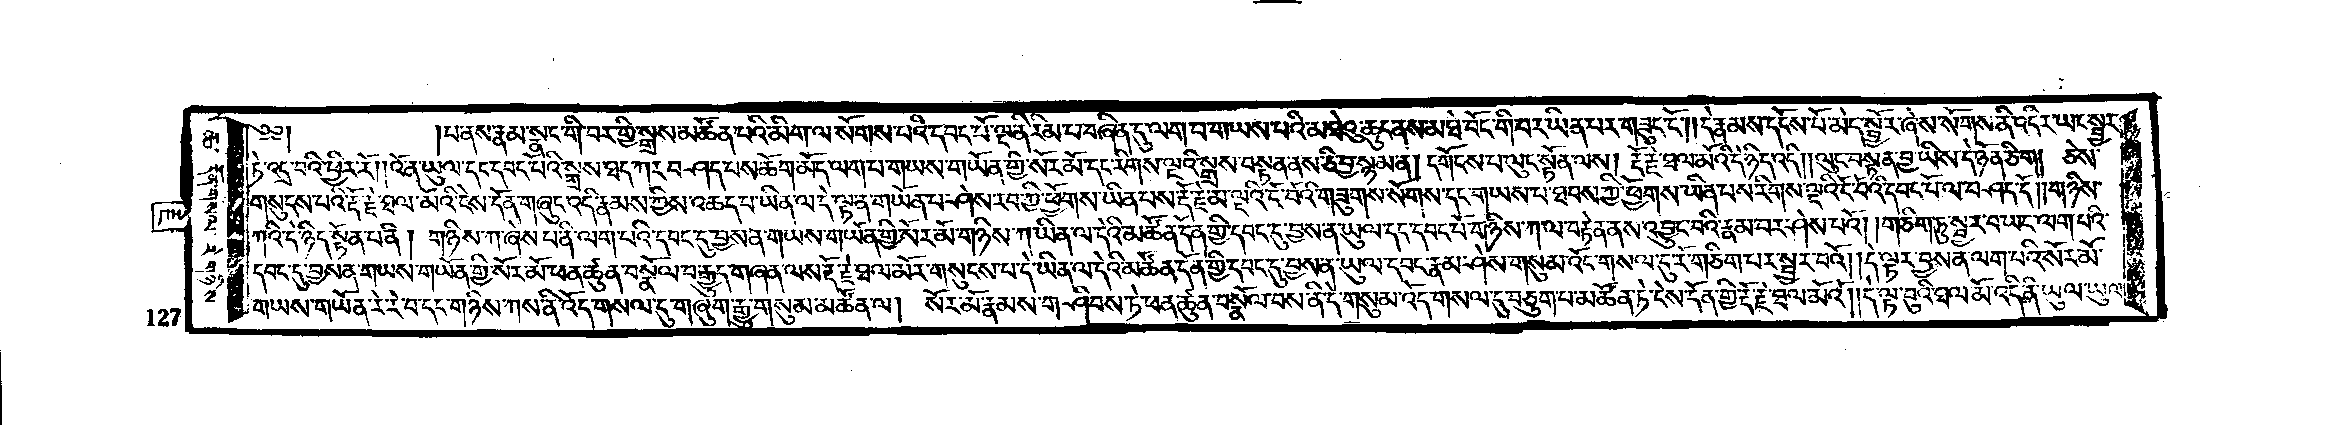༄༅། །པ་ནས་རྣམ་སྣང་གི་བར་གྱི་སྒྲས་མཚོན་པའི་མིག་ལ་སོགས་པའི་དབང་པོ་ལྔ་ནི་རིམ་པ་བཞིན་དུ་ལག་པ་གཡས་པའི་མཐེའུ་ཆུང་ནས་མཐེ་བོང་གི་བར་ཡིན་པར་གཟུང་ངོ། །དེ་རྣམས་དངོས་པོ་མེད་སྦྱོར་ཞེས་སོགས་ནི་འདིར་ཡང་སྦྱར་
ཏེ་འདྲ་བའི་ཕྱིར་རོ། །འོ་ན་ཡུལ་དང་དབང་པོའི་སྒྲས་ཐད་ཀར་བཤད་པས་ཆོག་མོད་ལག་པ་གཡས་གཡོན་གྱི་སོར་མོ་དང་རིགས་ལྔའི་སྒྲས་བསྟན་ནས་ཅི་བྱ་སྙམ་ན། དགོངས་པ་ལུང་སྟོན་ལས། རྡོ་རྗེ་ཐལ་མོའི་དེ་ཉིད་འདི། །ལུང་བསྟན་བྱ་ཡིས་དེ་ཉོན་ཅིག །ཅེས་
གསུངས་པའི་རྡོ་རྗེ་ཐལ་མོའི་ངེས་དོན་གཞུང་འདི་རྣམས་ཀྱིས་འཆད་པ་ཡིན་ལ་དེ་ལྟ་ན་གཡོན་པ་ཤེས་རབ་ཀྱི་ཕྱོགས་ཡིན་པས་རྡོ་རྗེ་མ་ལྔའི་ངོ་བོའི་གཟུགས་སོགས་དང་གཡས་པ་ཐབས་ཀྱི་ཕྱོགས་ཡིན་པས་རིགས་ལྔའི་ངོ་བོའི་དབང་པོ་ལ་བཤད་དོ། །གཉིས་
ཀའི་དེ་ཉིད་སྟོན་པ་ནི། གཉིས་ཀ་ཞེས་པ་ནི་ལག་པའི་དབང་དུ་བྱས་ན་གཡས་གཡོན་གྱི་སོར་མོ་གཉིས་ཀ་ཡིན་ལ་དེའི་མཚོན་དོན་གྱི་དབང་དུ་བྱས་ན་ཡུལ་དང་དབང་པོ་གཉིས་ཀ་ལ་བརྟེན་ནས་འབྱུང་བའི་རྣམ་པར་ཤེས་པའོ། །གཅིག་ཏུ་སྦྱར་བ་ཡང་ལག་པའི་
དབང་དུ་བྱས་ན་གཡས་གཡོན་གྱི་སེར་མོ་ཕན་ཚུན་བསྣོལ་བ་རྒྱུད་གཞན་ལས་རྡོ་རྗེ་ཐལ་མོར་གསུངས་པ་དེ་ཡིན་ལ་དེའི་མཚོན་དོན་གྱི་དབང་དུ་བྱས་ན་ཡུལ་དབང་རྣམ་ཤེས་གསུམ་འོད་གསལ་དུ་རོ་གཅིག་པར་སྦྱར་བའོ། །དེ་ལྟར་བྱས་ན་ལག་པའི་སོར་མོ་
གཡས་གཡོན་རེ་རེ་བ་དང་གཉིས་ཀས་ནི་འོད་གསལ་དུ་གཞུག་རྒྱུ་གསུམ་མཚོན་ལ། སོར་མོ་རྣམས་གཤིབས་ཏེ་ཕན་ཚུན་བསྣོལ་བས་ནི་དེ་གསུམ་འོད་གསལ་དུ་བཅུག་པ་མཚོན་ཏེ་ངེས་དོན་གྱི་རྡོ་རྗེ་ཐལ་མོའོ། །དེ་ལྟ་བུའི་ཐལ་མོ་འདི་ནི་ཡུལ་ཡུལ་